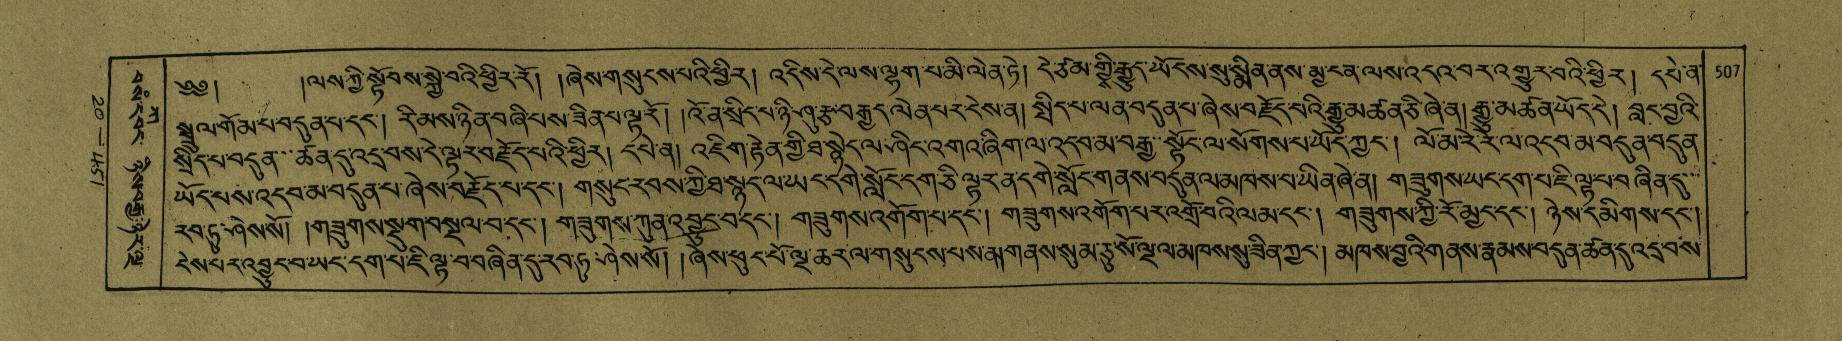༄༅། །ལས་ཀྱི་སྟོབས་སྐྱེ་བའི་ཕྱིར་རོ། །ཞེས་གསུངས་པའི་ཕྱིར། འདིས་དེ་ལས་ལྷག་པ་མི་ལེན་ཏེ། དེ་ཙམ་གྱིས་རྒྱུད་ཡོངས་སུ་སྨིན་ནས་མྱ་ངན་ལས་འདའ་བར་འགྱུར་བའི་ཕྱིར། དཔེ་ན་
སྦྲུལ་གོམ་པ་བདུན་པ་དང་། རིམས་ཉིན་བཞི་པས་ཟིན་པ་ལྟ་རོ། །འོ་ན་སྲིད་པ་ཉི་ཤུ་རྩ་བརྒྱད་ལེན་པར་ངེས་ན། སྤིད་པ་ལན་བདུན་པ་ཞེས་བརྗོད་པའི་རྒྱུ་མཚན་ཅི་ཞེ་ན། རྒྱུ་མཚན་ཡོད་དེ། བླང་བྱའི་
སྲིད་པ་བདུན་ཚན་དུ་འདྲ་བས་དེ་ལྟར་བརྗོད་པའི་ཕྱིར། དཔེ་ན། འཇིག་རྟེན་གྱི་ཐ་སྙེད་ལ་ཤིང་འགའ་ཞིག་ལ་འདབ་མ་བརྒྱ་སྟོང་ལ་སོགས་པ་ཡོད་ཀྱང་། ལོ་མ་རེ་རེ་ལ་འདབ་མ་བདུན་བདུན་
ཡོད་པས་འདབ་མ་བདུན་པ་ཞེས་བརྗོད་པ་དང་། གསུང་རབས་ཀྱི་ཐ་སྙད་ལ་ཡང་དགེ་སློང་དག་ཅི་ལྟར་ན་དགེ་སློང་གནས་བདུན་ལ་མཁས་པ་ཡིན་ཞེ་ན། གཟུགས་ཡང་དག་པ་ཇི་ལྟ་བ་བཞིན་དུ་
རབ་ཏུ་ཤེས་སོ། །གཟུགས་སྡུག་བསྔལ་བ་དང་། གཟུགས་ཀུན་འབྱུང་བ་དང་། གཟུགས་འགོག་པ་དང་། གཟུགས་འགོག་པར་འགྲོ་བའི་ལམ་དང་། གཟུགས་ཀྱི་རོ་མྱང་དང་། ཉེས་དམིགས་དང་།
ངེས་པར་འབྱུང་བ་ཡང་དག་པ་ཇི་ལྟ་བ་བཞིན་དུ་རབ་ཏུ་ཤེས་སོ། །ཞེས་ཕུང་པོ་ལྔ་ཆར་ལ་གསུངས་པས་ན། གནས་སུམ་ཅུ་སོ་ལྔ་ལ་མཁས་སུ་ཟིན་ཀྱང་། མཁས་བྱའི་གནས་རྣམས་བདུན་ཚན་དུ་འདྲ་བས་